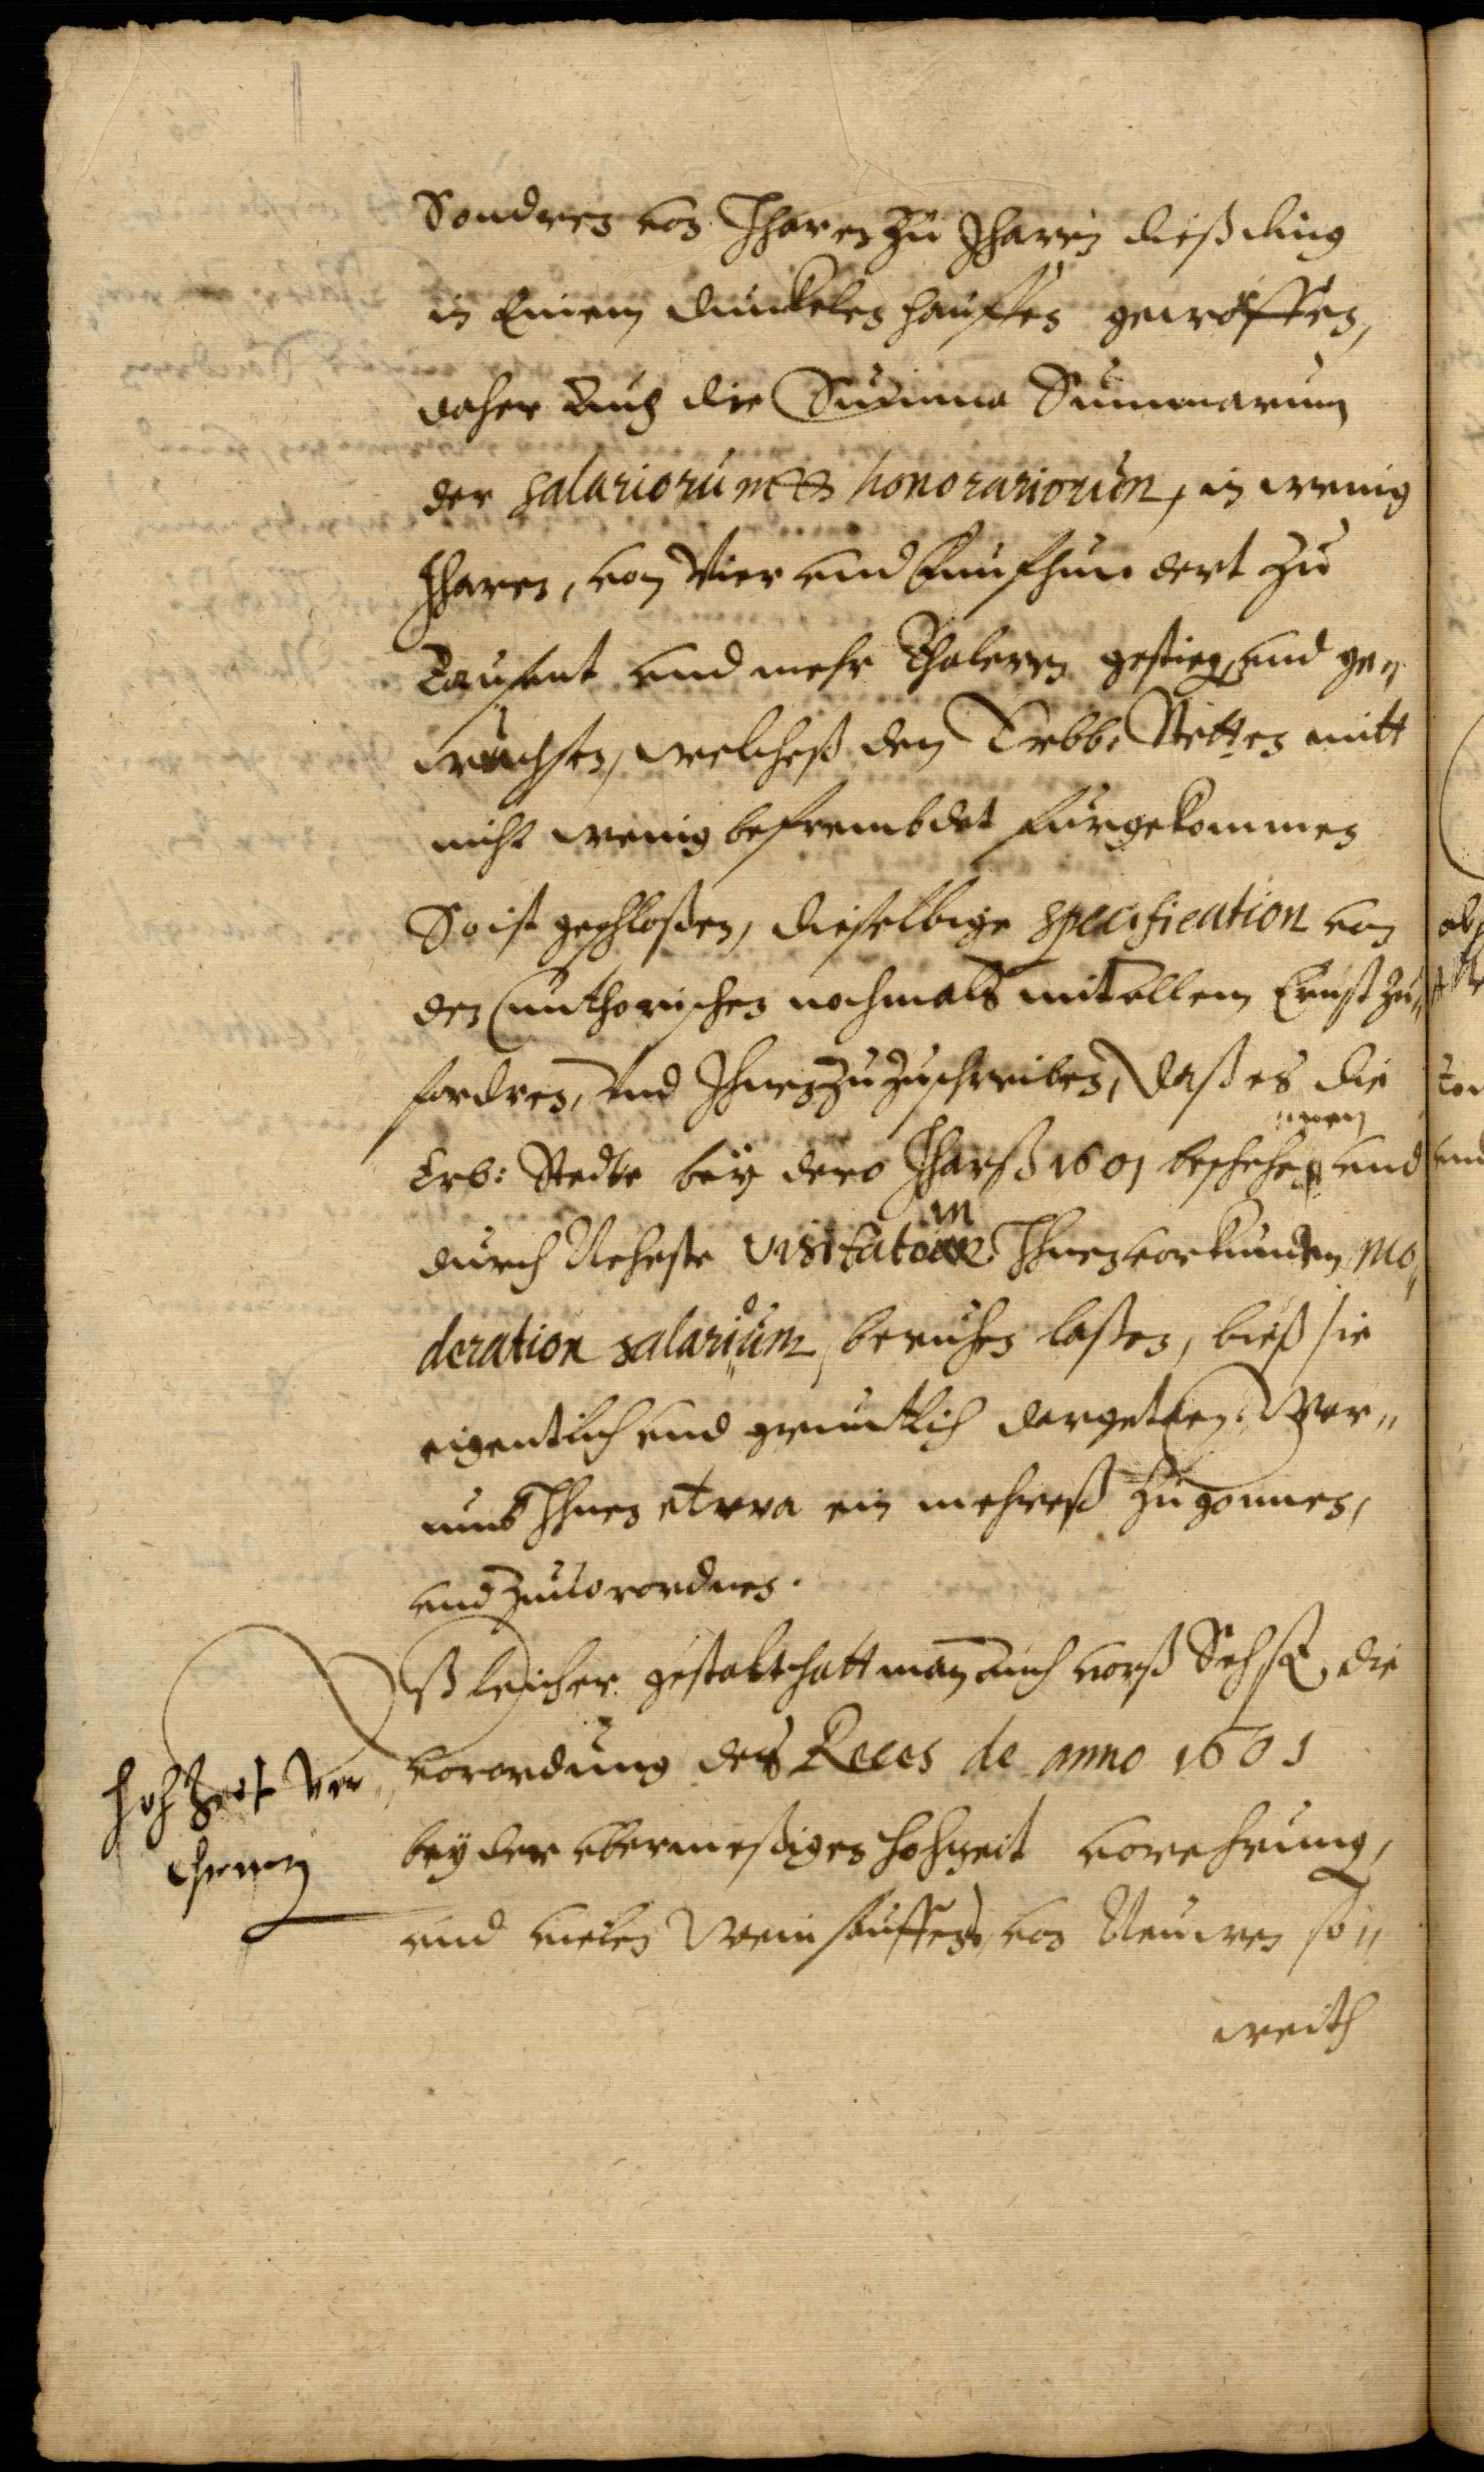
sondren von Jharen zu Jharen daß ding
in Einem dunkelen hauffen geworffen,
daher Auch die Summa Summarum
der Salariorum & honorariorum, in wenig
Jharen, von vier vnd Funffhundert zu
Tausent vnd mehr Thalern gestiegen vnd ge¬
wuchsen, welcheß den Erbb: Stetten mitt
nicht wenig befrembdet furgekommen
So ist geschloßen, dieselbige specification von
den Cunthorischen nochmals mit Allem Ernst zu¬
fordern, vnd Ihnen zuzuschreiben, daß es die
Erb:Stedte beij dero Jharß 1601 beschenen vnd
durch Neheste visitation Ihnen vorkunden mo¬
deration salarium, beruhen laßen, biß sie
eigentlich vnd gruntlich dargetaen. War¬
umb Ihnen etwa ein mehreß zu gonnen,
vnd zuuorordnen.
Gleicher gestalt hatt man auch vorß Sechst die
vorordung des Reces de anno 1601
beij der vbermeßigen hohtzeit vorehrungen,
vnd vielen wein sauffend, von Neuwen so¬
weith
hohzeit ver¬
ehrung
